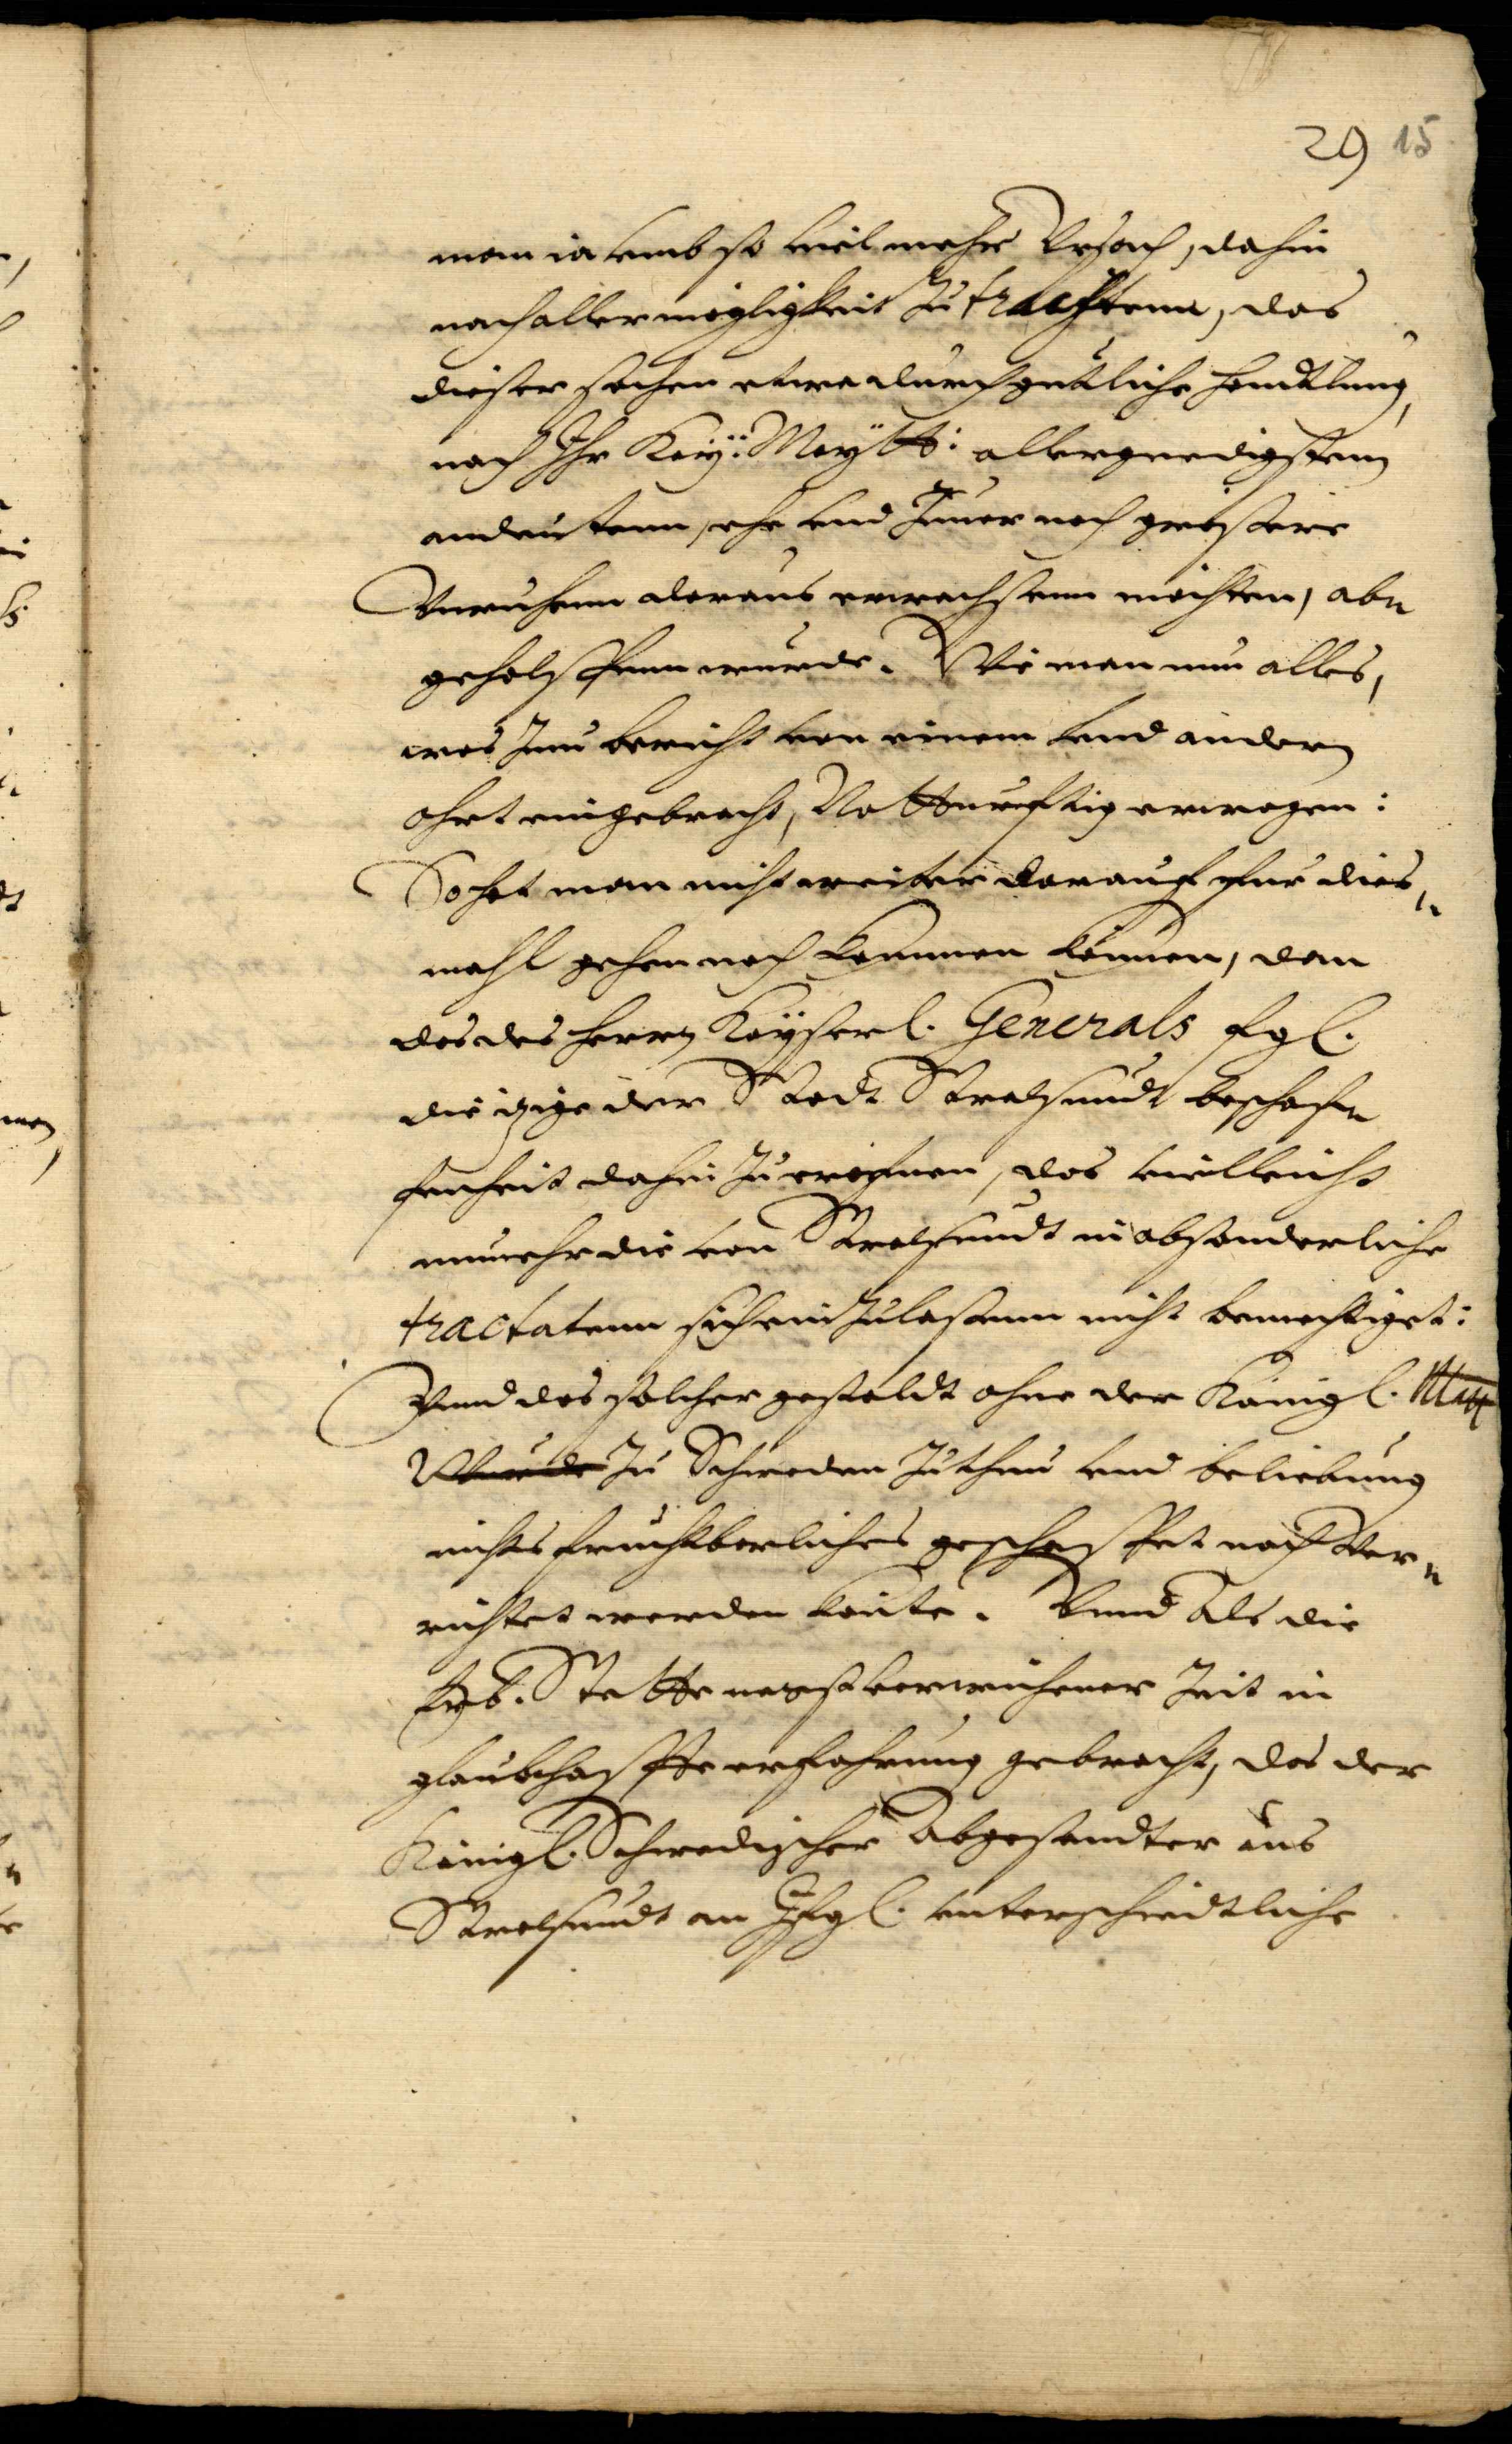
29
man ia umb so viel mehr Vrsach, dahin
nach aller mögligkeit zu trachtenn, das
dieser sachen etwa durch gutliche handtlung,
nach Ihr Kaij: Maijtt: allergnedigstem
andeutenn, ehe und zuvor noch großere
Vnruhenn daraus erwachsenn möchten, ab¬
geholffenn wurde. Wie man nun alles,
was zum bericht von einem vnd andern
ohrt eingebracht, Notturftig erwogen:
So hat man nicht weiter darauf fur dies¬
mahl gehen noch kommen können, dan
des des herrn Kaijserl. Generals fgl.
die itzige der Stadt Stralsundt beschaf¬
fenheit dahin zu eröfnen, das vielleicht
numehr die von Stralsundt in absonderliche
tractatenn sich einzulaßenn nicht bemechtiget:
Vnnnd das solcher gestaldt ohne der Königl. Matt
Wurde zu Schweden zuthun vnd beliebung
nichts fruchtbarliches geschaffet noch Ver¬
richtet werden könte. Vnnd als die
Erb. Stette negst verwichener zeit in
glaubhaffte erfahrung gebracht, das der
Königl. Schwedischer Abgesandter aus
Stralsundt an Ifgl. unterschiedtliche
